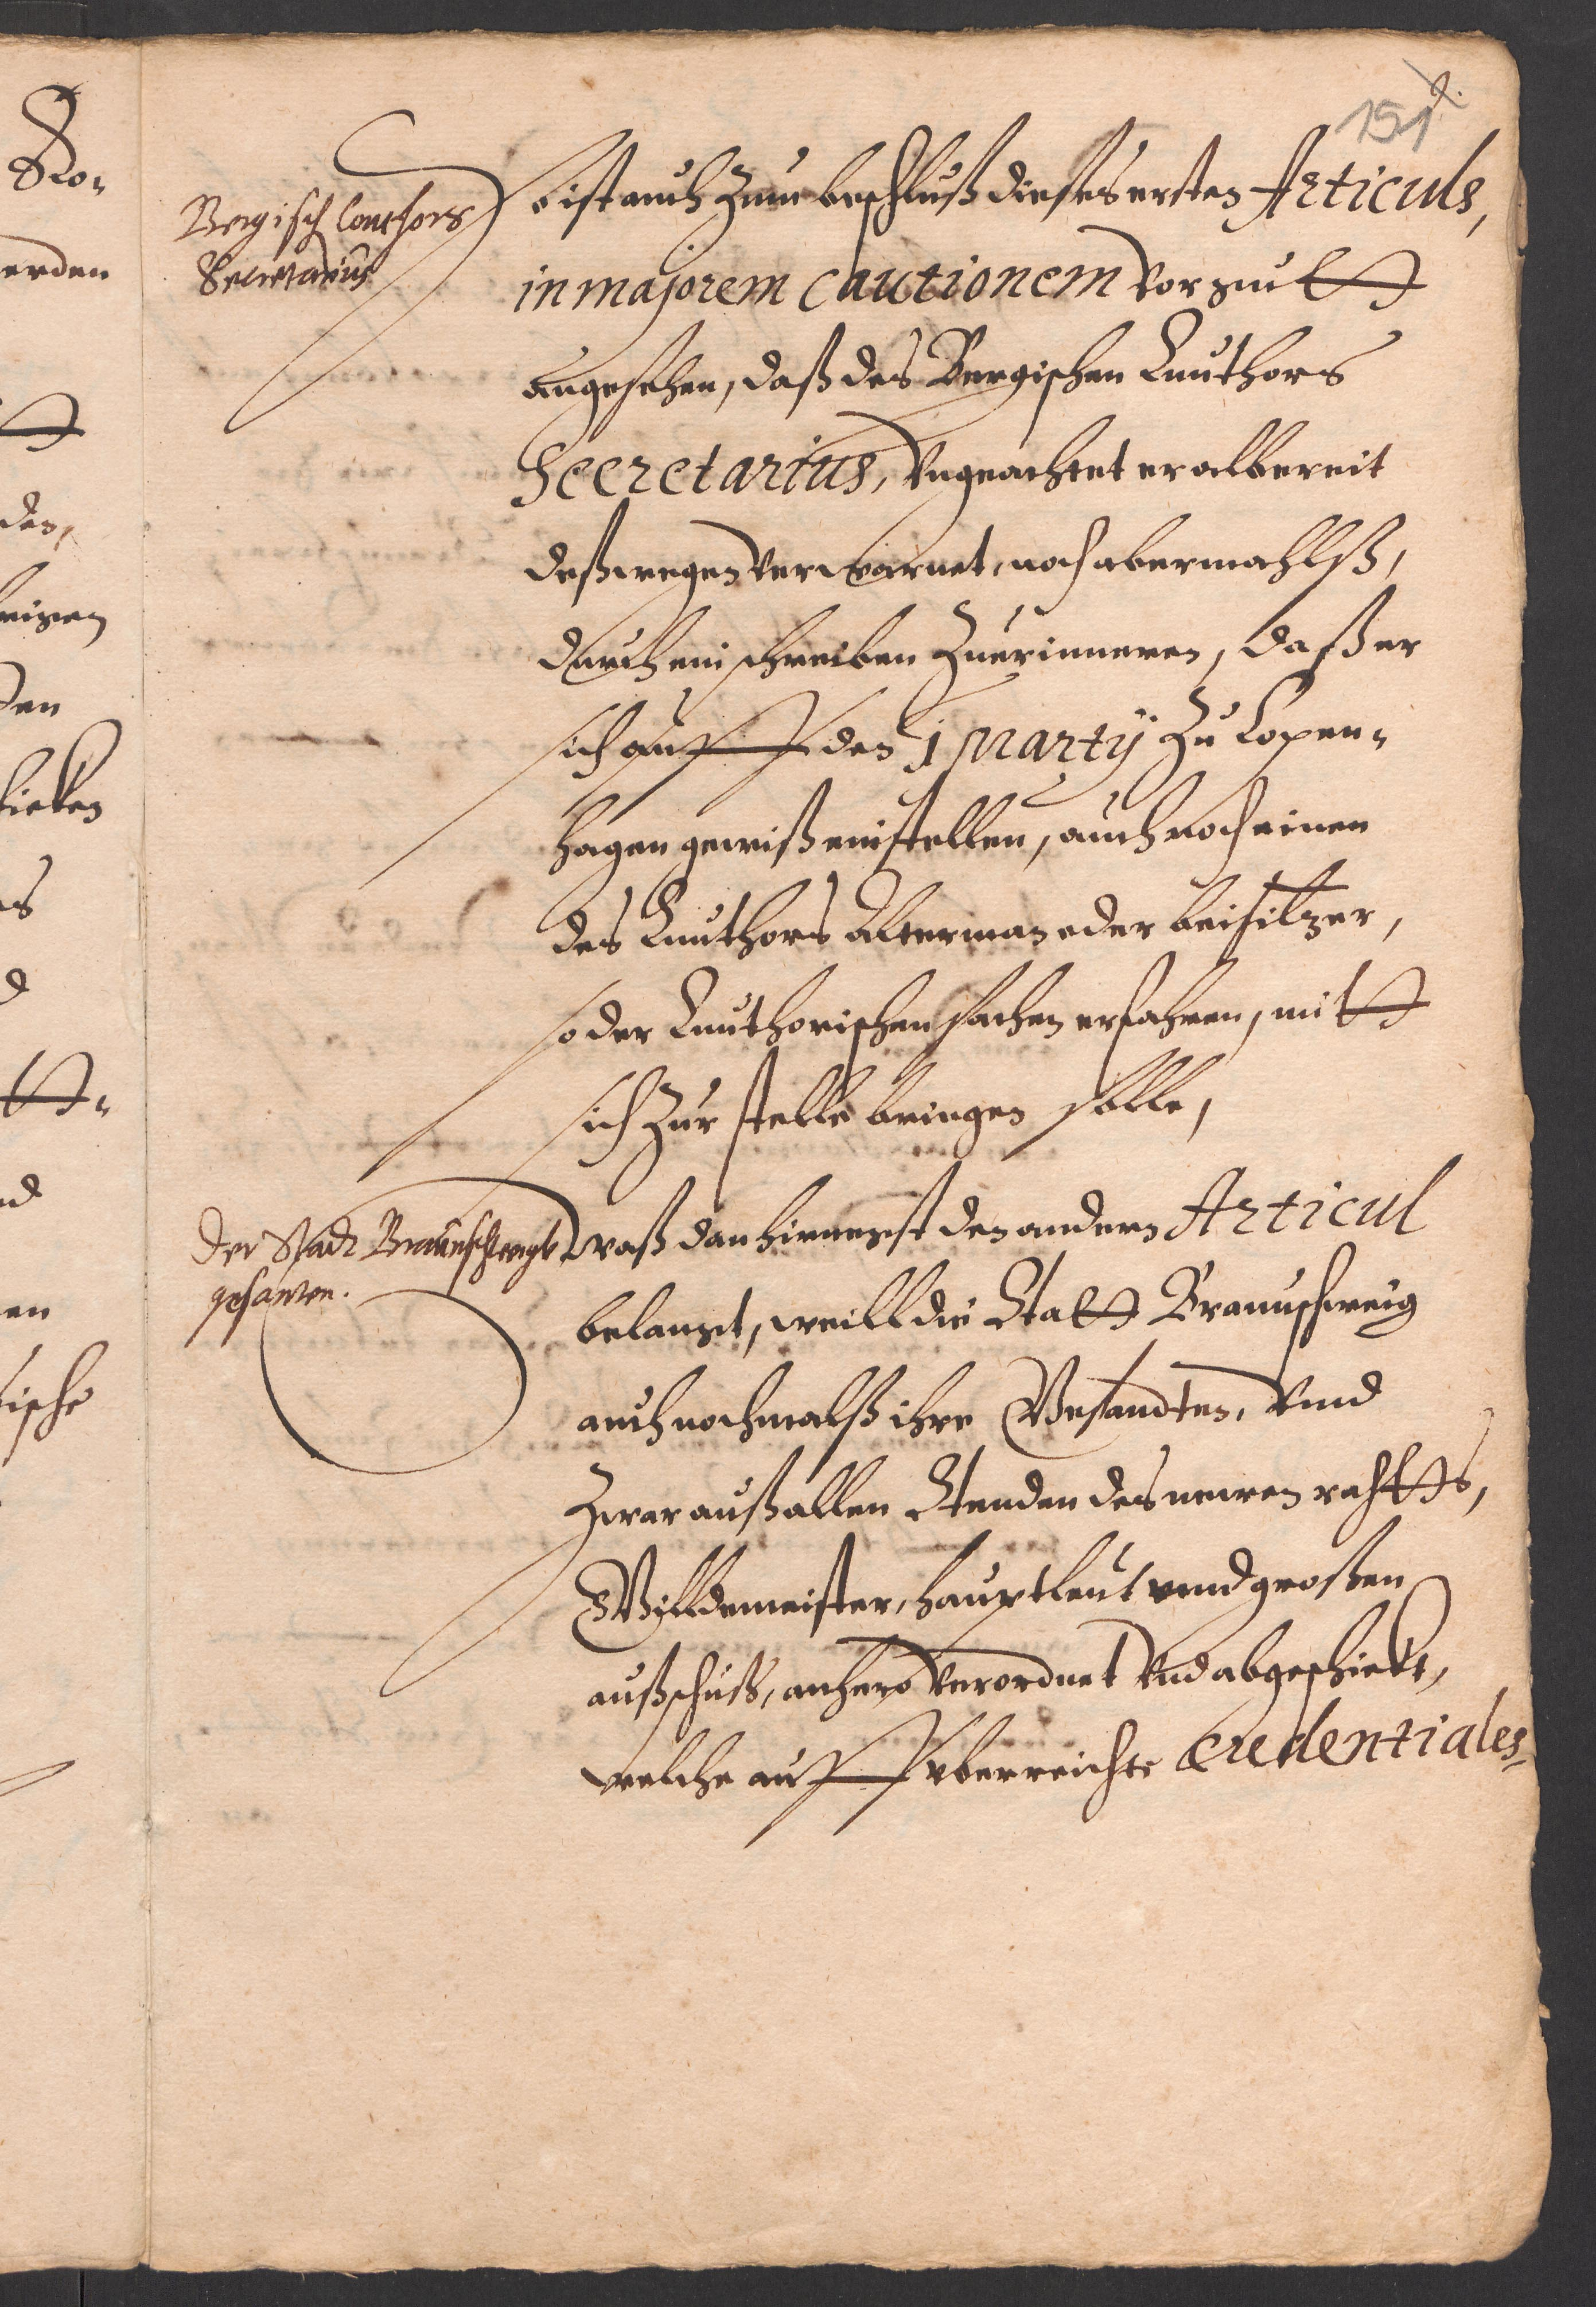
9
So ist auch zum beschluß dießes ersten Articuls,
in majorem cautionem vor gutt
angesehen, daß des Bergischen Cunthors
secretarius, vngeachtet er albereit
deßwegen verwarnet, noch abermahlß,
durch ein schreiben zuerinneren, daß er
sich auff den 1 martij zu Copen¬
hagen gewiß einstellen, auch noch einen
des Cunthors alterman oder beisitzer,
so der Cunthorischen sachen erfahren, mitt
sich zur stelle bringen solle,
Waß dan hirnegst den andern Articul
belangt, weill die Statt Braunschweig
auch nochmalß ihre Gesandten, vnnd
Zwar auß allen Stenden des newen rahtts,
Gilldemeister, hauptleut vnnd großen
außschüß, anhero verordnet vnd abgeschickt,
welche auff vberreichte crdentiales
Bergischen Conthors
Secretarius
der Stadt Braunschweigk
gesanten.
